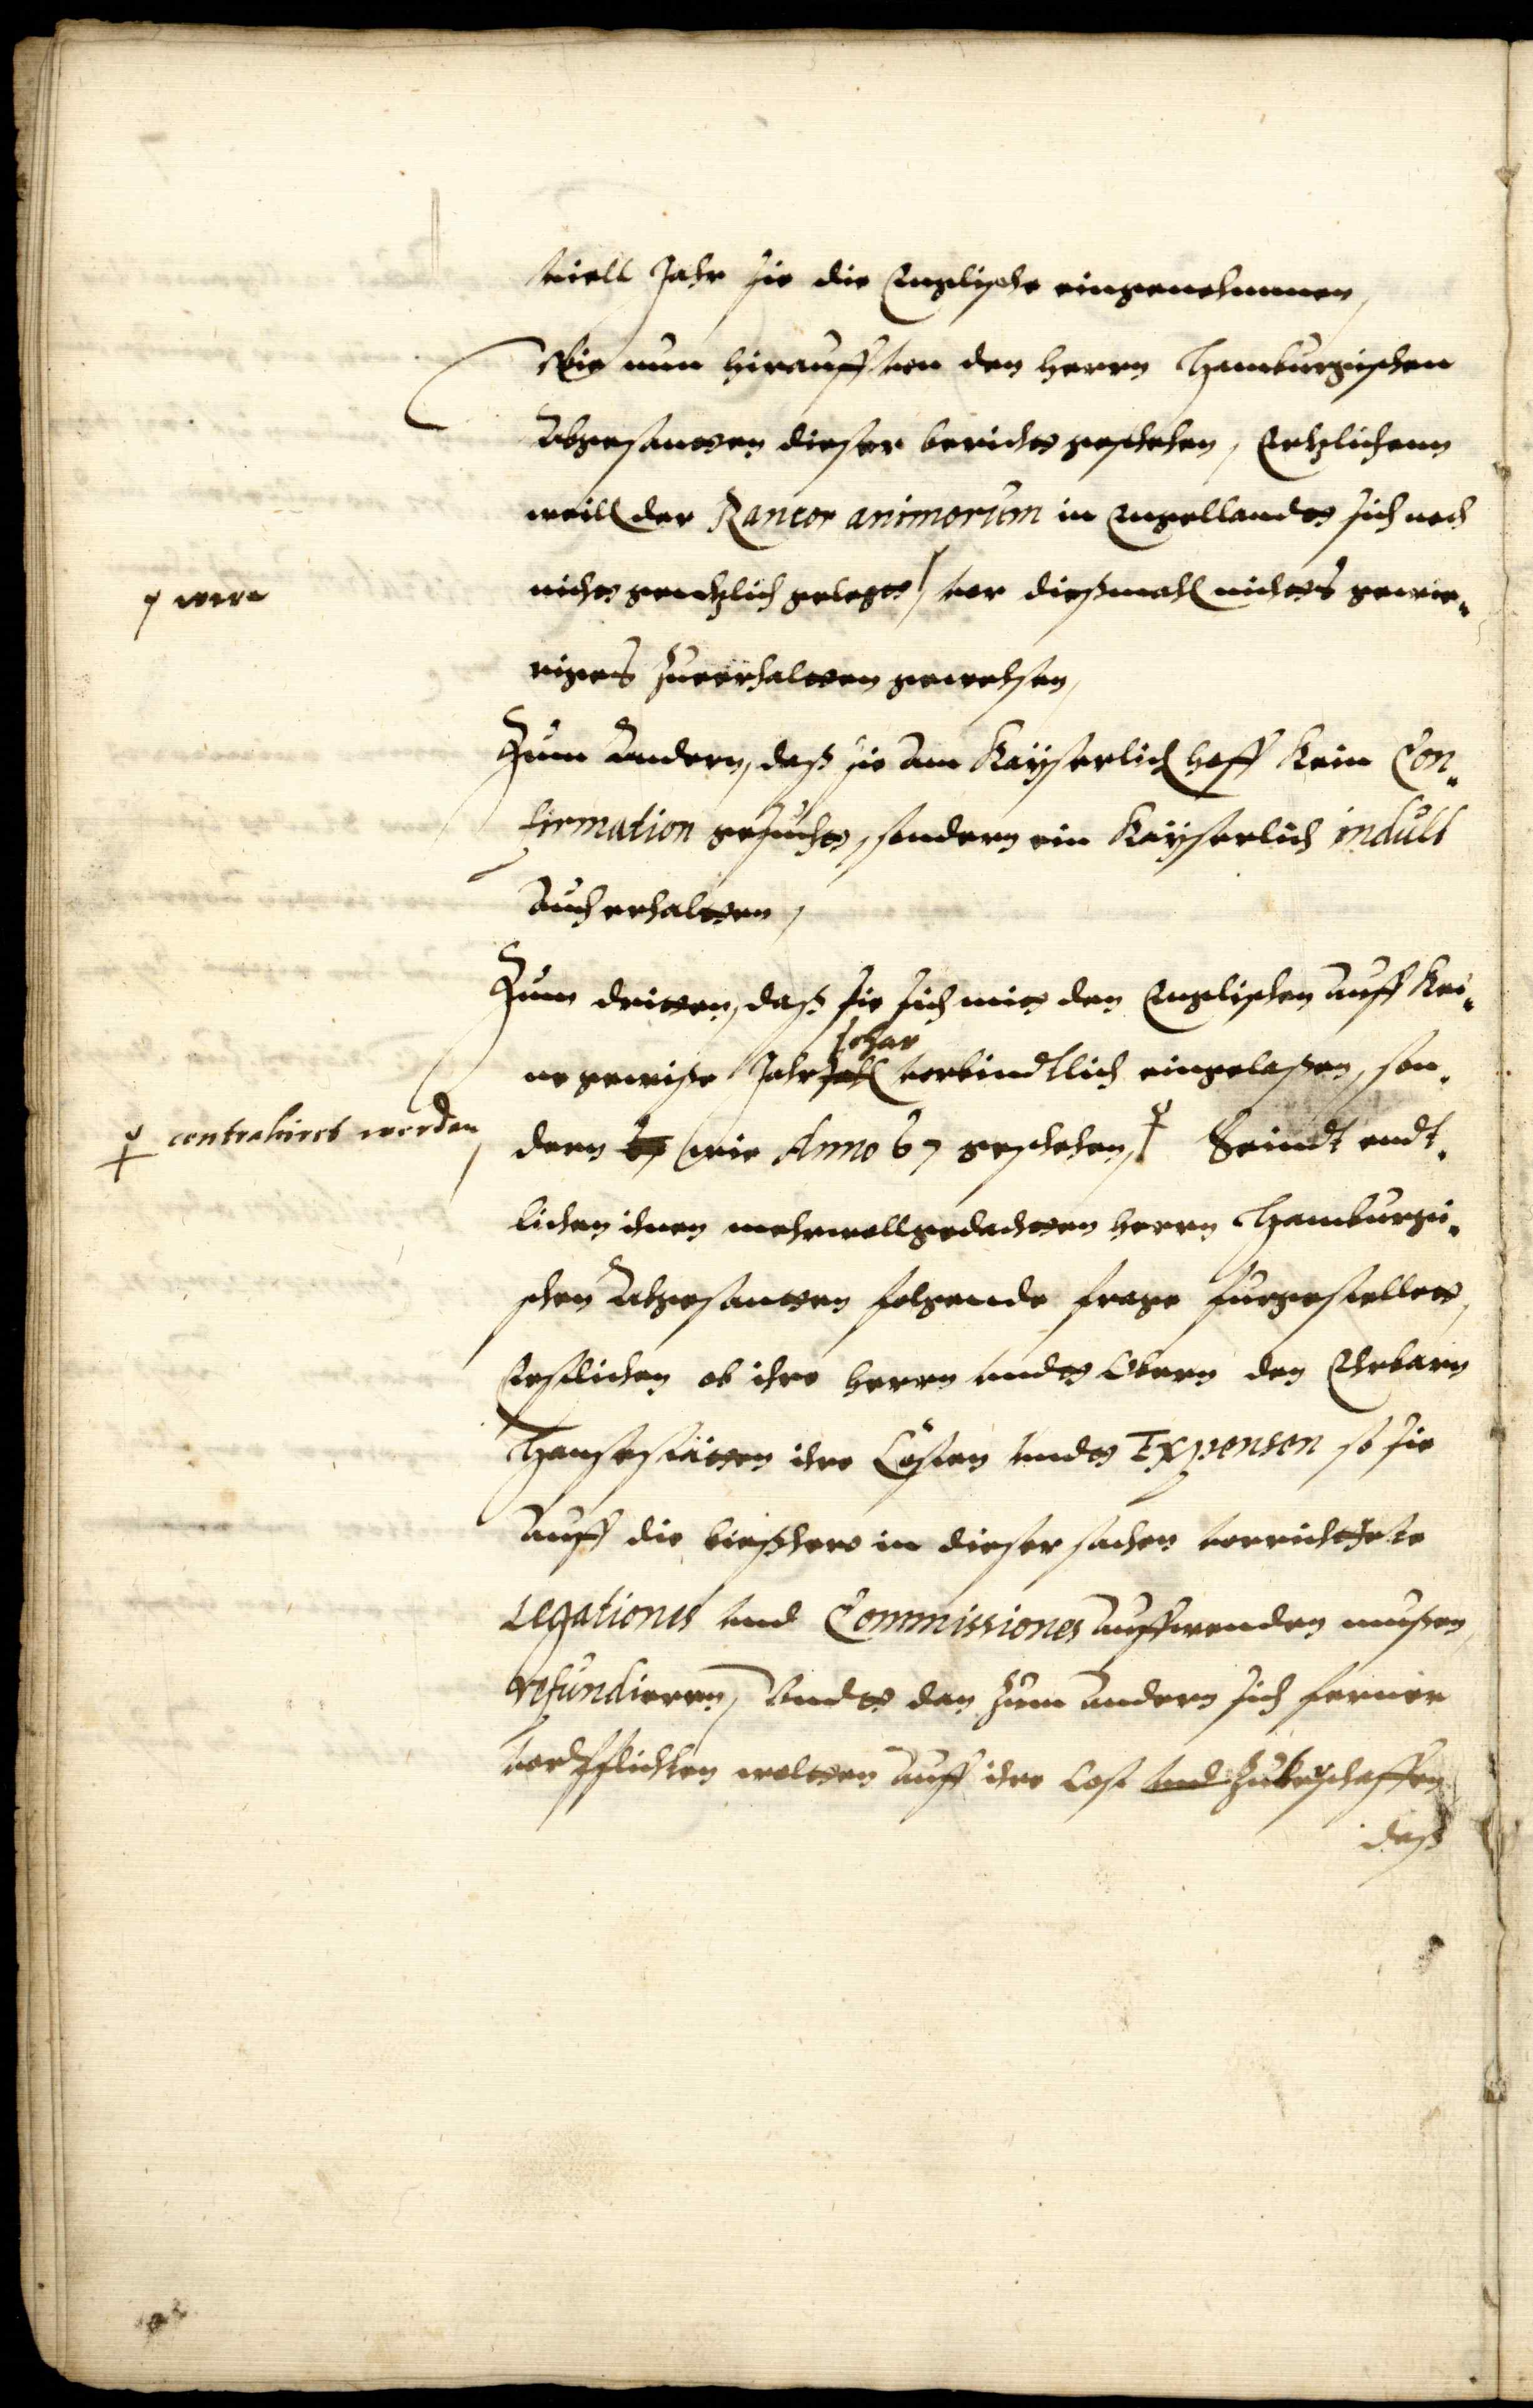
viell Jahr sie die Englische eingenohmmen,
Wie nun hierauff von den herrn Hamburgischen
Abgesantten dieser berichtt geschehen, Ertzlichenn
weill der Rancor animorum in Engellandtt sich noch
nichtt gentzlich gelegtt, 7 vor dießmahl nichtts gewie¬
riges zueerhaltten gewehsen,
7 were
Zum Andern, daß sie Am Kaijserlichen hoff kein Con¬
firmation gesuchtt, sondern ein Kaijserlich indult
Auch erhaltten,
Zum dritten, daß sie sich mitt den Englischen Auff kei¬
ne gewiße Jahrtahl schar verbindtlich eingelaßen, son¬
dern 67 wie Anno 67 geschehen, + Seindt endt¬
lichen ihnen mehrwollgedachtten herrn Hamburgi¬
schen Abgesantten folgende frage furgestellett,
Erstlichen ob ihro herrn vndtt Obern den Ehrbarn
Hansestätten ihre Costen vndtt Expensen so sie
auff die bießhero in dieser sachen verrichttete
Legationes vnd Commissiones Auffwenden mußen,
refundieren, Vndtt dan zum andern sich ferner
vorpflichten woltten Auff ihre Cost vnd zubeschaffen
daß
+ contrahiret werden,
